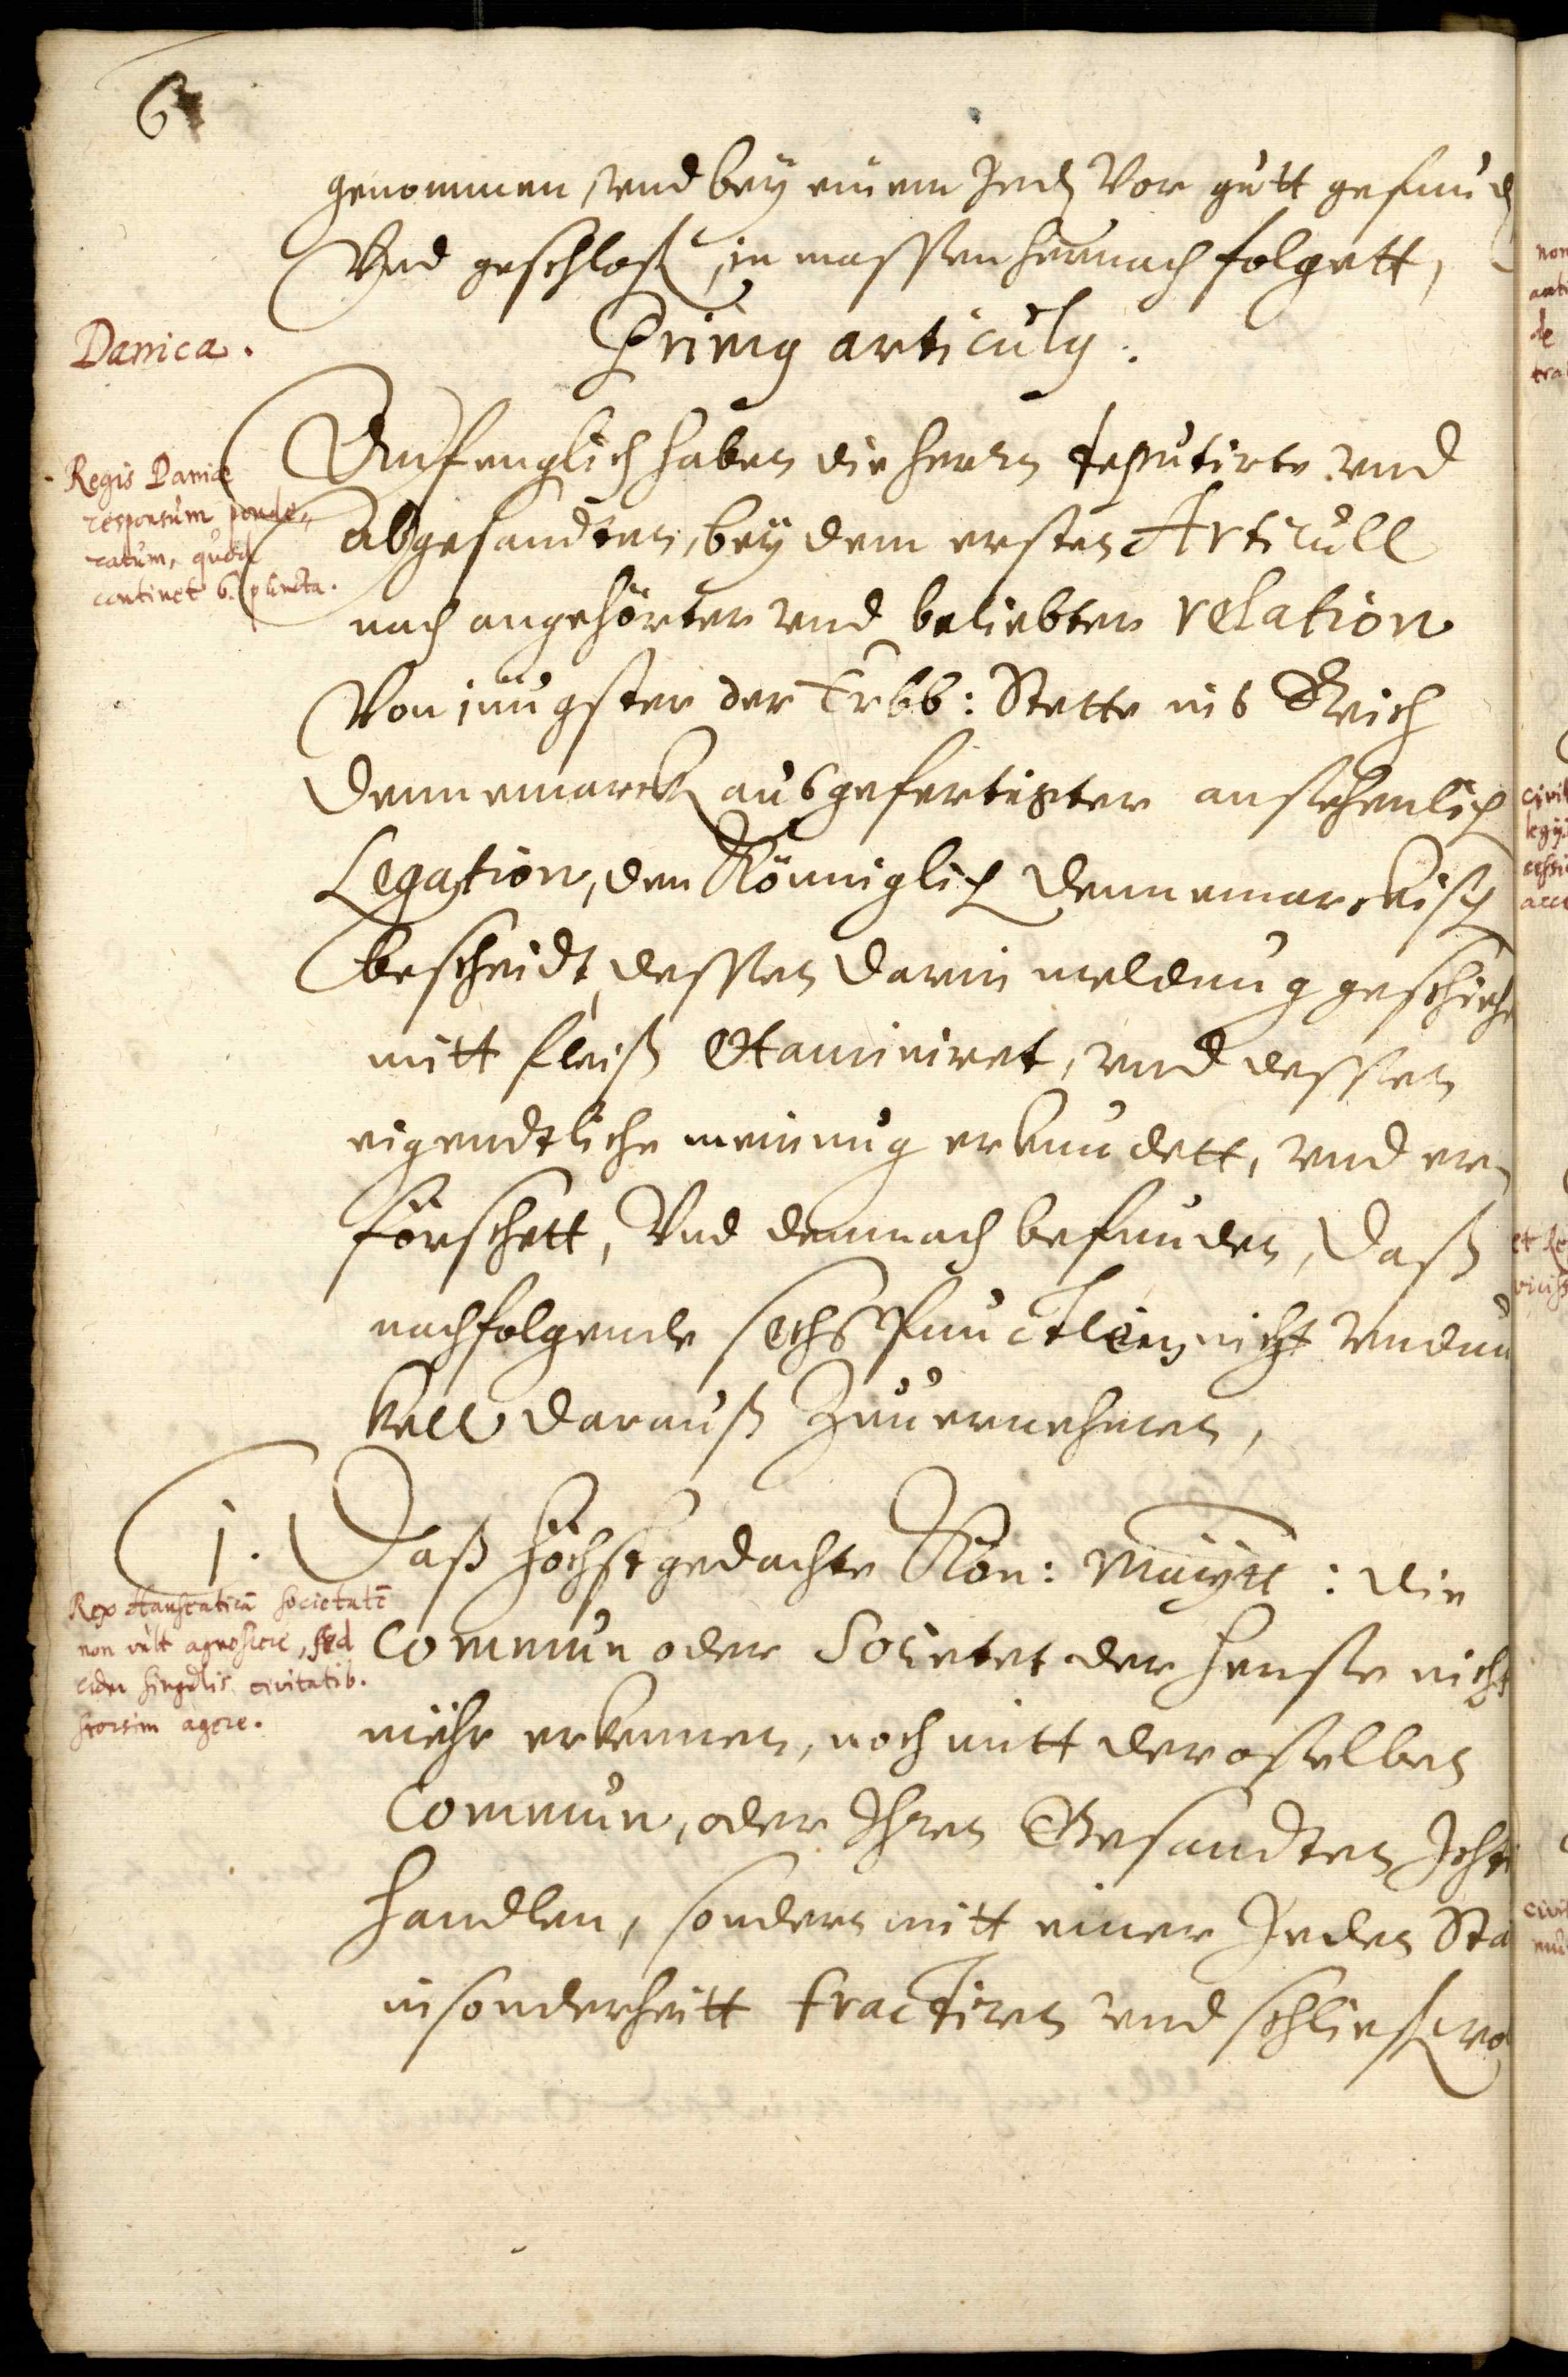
6
genommen, vnd beij einem Jeden vor gutt gefunden
Vnd geschloßen, in massen hernach folgett,
Danica.
Regis Daniae
responsum ponde¬
ratum, quod
continet 6. puncta.
Primus articulus:
Anfenglich haben die herrn deputirtn vnd
Abgesandten, beij dem ersten Articull
nach angehörter vnd beliebter relation
Von jüngster der Erbb: Stette ins Reich
Dennemarcken ausgefertigter ansehenlichen
Legation, den Könniglichen Dennemarckischen
bescheidt, dessen darin meldung geschiehn
mitt fleiß examiniret, vnd dessen
eigendtliche meinung erkundett, vnd er¬
förschett, Vnd demnach befunden, daß
nachfolgende sechs Punctlein nicht vndun
kell darauß zuuernehmen,
Rex Hanseaticam societatem
non vult agnoscere, sed
eiden singulis civitatib.
seorsim agere.
1. Daß höchstgedachte Kön: Maiijtt: die
Commun oder Societet der Hense nicht
mehr erkennen, noch mitt deroselben
Commun, oder Ihren Gesandten Jeht
Handlen, sondern mitt einer Jeden Sta
in sonderheitt tractirn vnd schließen wo
